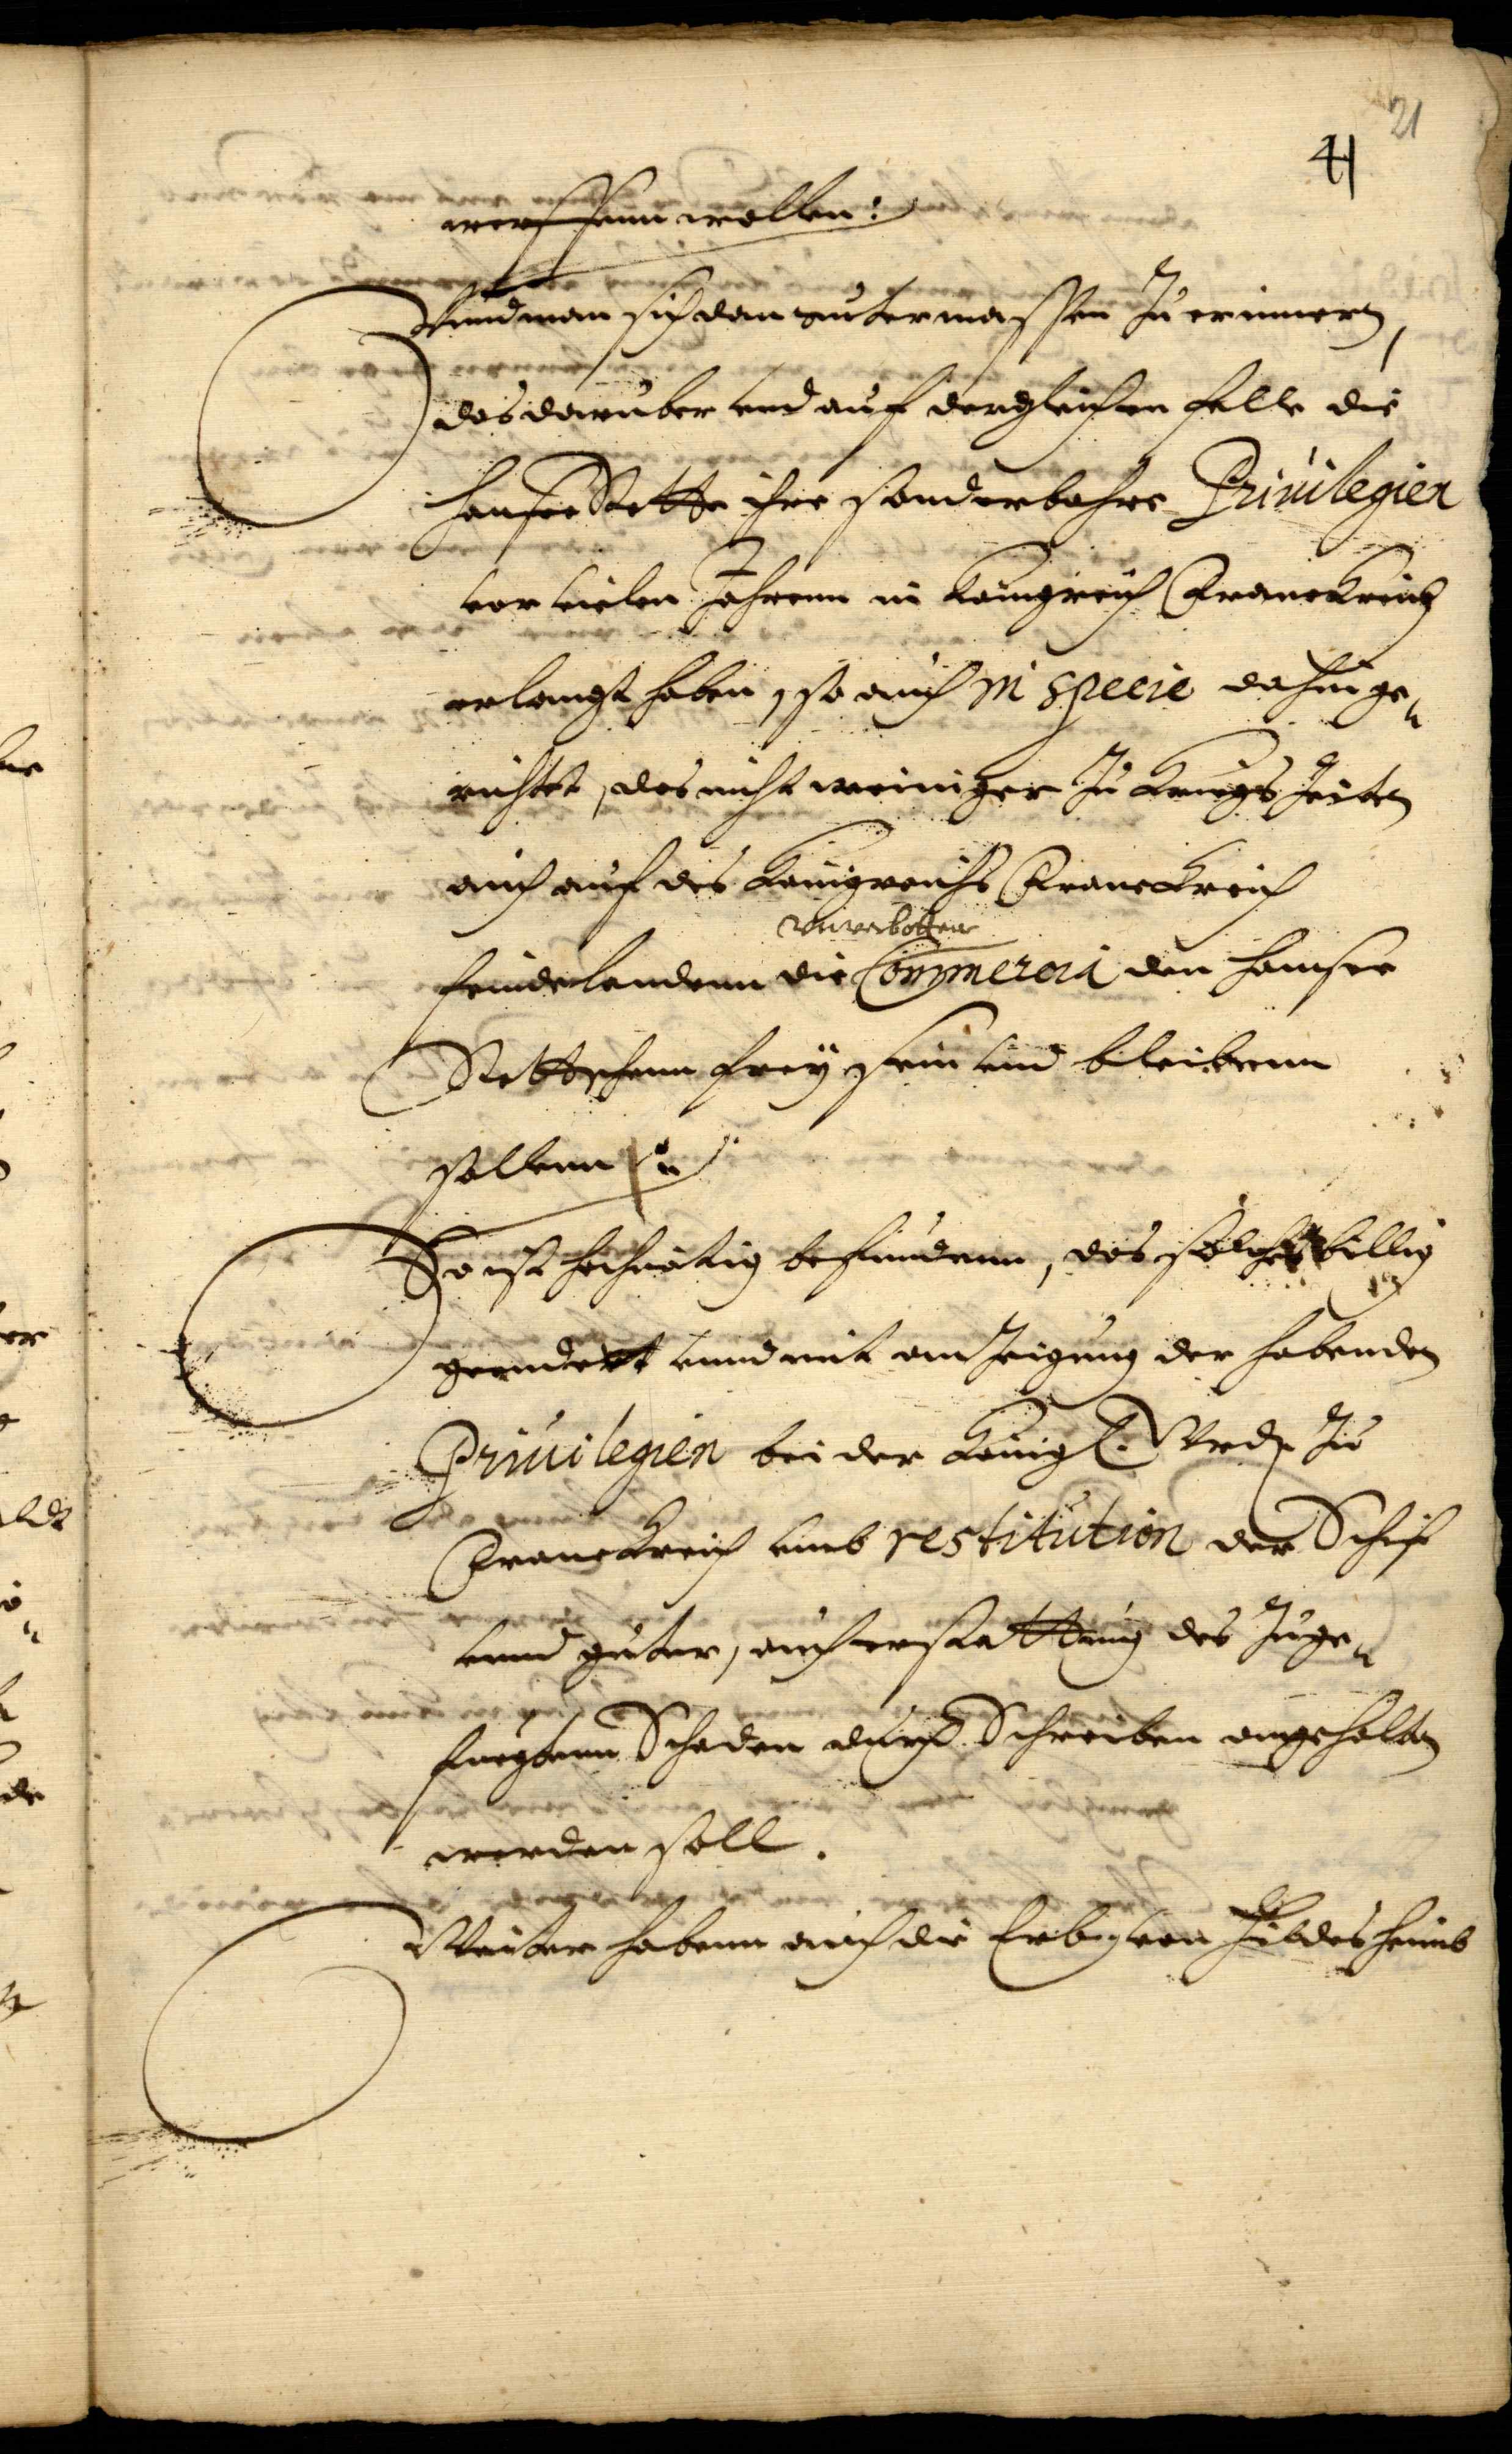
41
werffenn wollen:
Vnnd man sich dan gutermassen zu erinnern,
das daruber vnd auf dergleichen felle die
hansee Stette ihre sonderbahre Priuilegien
vor vielen Jahren in Königreich Franckreich
erlangt haben, so auch in specie dahin ge¬
richtet, das nicht weiniger zu Kriegs Zeiten
auch auf des Konigreichs Franckreich
vurebottene
feindelandenn die Commercia den hansee
Stettschenn freij sein vnd bleibenn
sollenn:
So ist hochnötig befundenn, das solches billig
geendert vnnd mit anzeigung der habenden
Priuilegien bei der Königl. Wrdn. zu
Franckreich vmb restitution der Schif
vnnd guter, auch erstattung des zuge¬
fugtenn Schaden durch Schreiben angehalten
werden soll.
Weiter haben auch die Erb. von Hildesheimb
